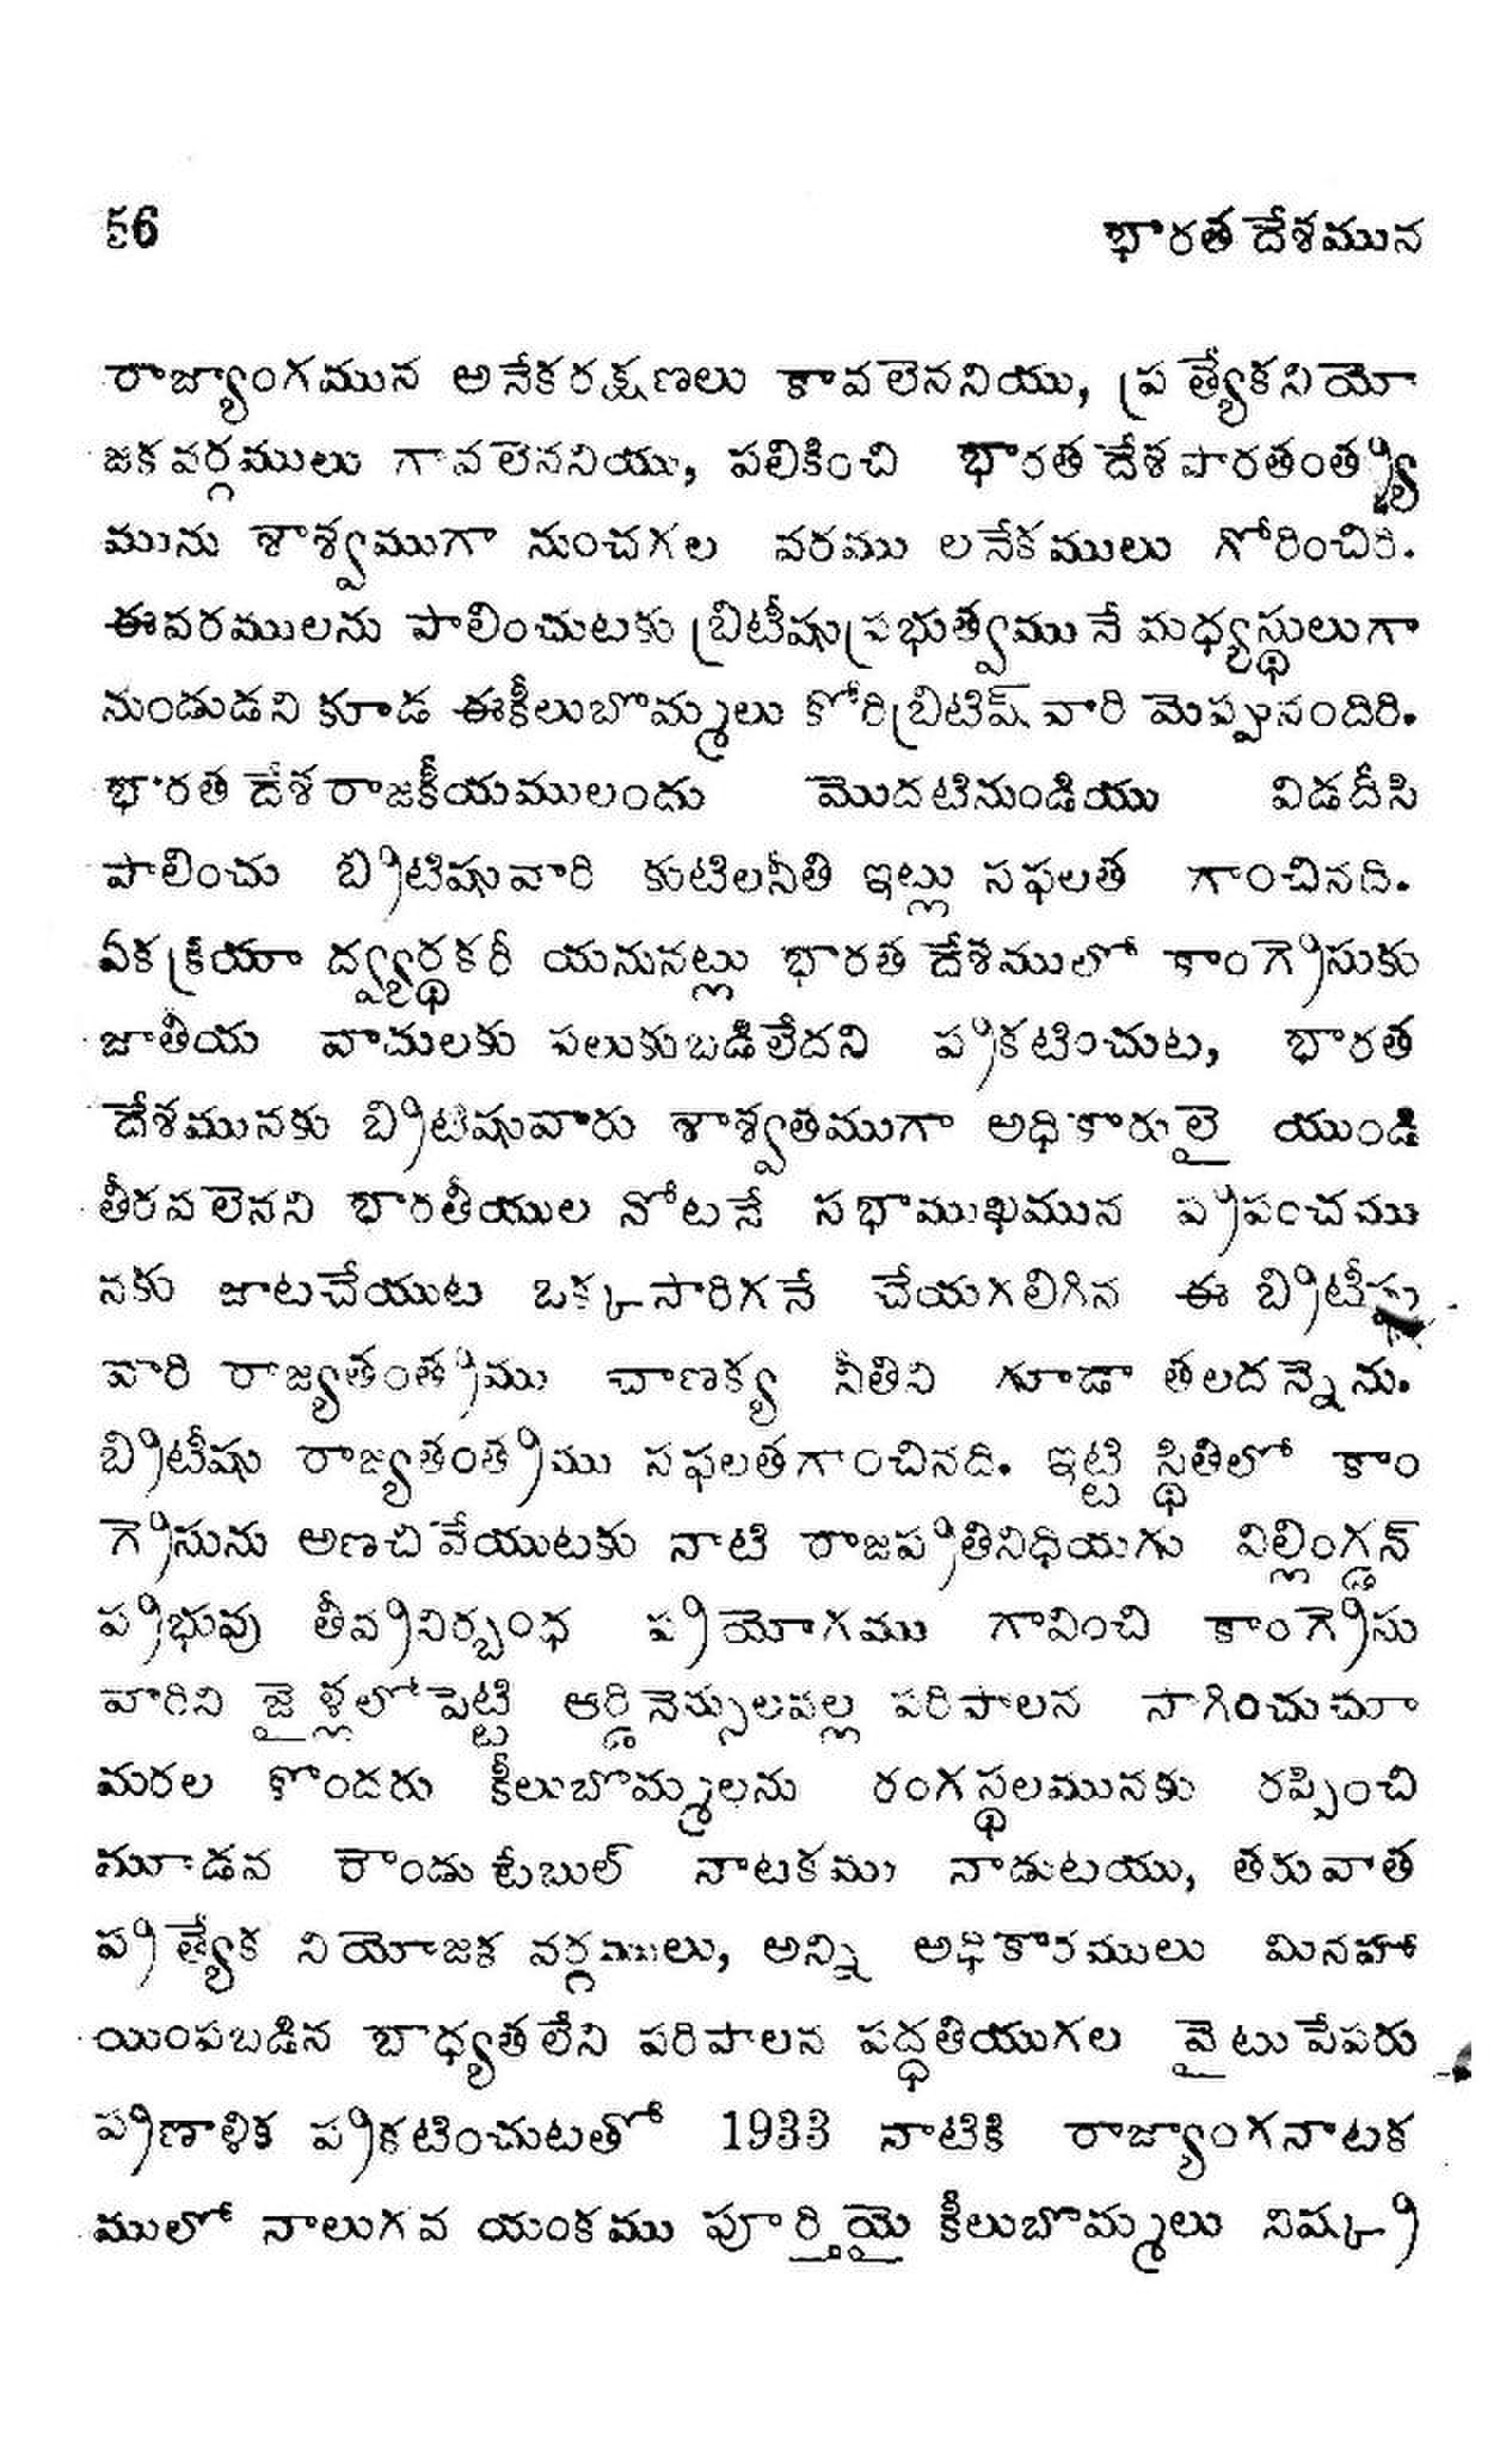రాజ్యాంగమున అనేకరక్షణలు కావలెననియు, ప్రత్యేకనియోజకవర్గములు గావలెననియు, పలికించి భారతదేశ పారతంత్ర్యమును శాశ్వతముగా నుంచగల వరము లనేకములు గోరించిరి. ఈవరములను పాలించుటకు బ్రిటీషు ప్రభుత్వమునే మధ్యస్థులుగా నుండుడని కూడ ఈకీలుబొమ్మలు కోరిబ్రిటిష్‌వారి మెప్పునందిరి. భారతదేశ రాజకీయములందు మొదటినుండియు విడదీసి పాలించు బ్రిటిషువారి కుటిలనీతి ఇట్లు సఫలత గాంచినది. ఏకక్రియా ద్వ్యర్థకరీ యనునట్లు భారతదేశములో కాంగ్రెసుకు జాతీయ వాదులకు పలుకుబడిలేదని ప్రకటించుట, భారతదేశమునకు బ్రిటిషువారు శాశ్వతముగా అధికారులై యుండి తీరవలెనని భారతీయుల నోటనే సభాముఖమున ప్రపంచమునకు జాటచేయుట ఒక్కసారిగనే చేయగలిగిన ఈబ్రిటీషువారి రాజ్యతంత్రము. చాణక్య నీతిని గూడా తలదన్నెను. బ్రిటీషు రాజ్యతంత్రము సఫలతగాంచినది. ఇట్టి స్థితిలో కాంగ్రెసును అణచివేయుటకు నాటి రాజప్రతినిధియగు విల్లింగ్డన్ ప్రభువు తీవ్రనిర్బంధ ప్రయోగము గావించి కాంగ్రెనువారిని జైళ్లలోపెట్టి ఆర్డినెన్సులవల్ల పరిపాలన సాగించుచూ మరల కొందరు కీలుబొమ్మలను రంగస్థలమునకు రప్పించి మూడవ రౌండుటేబుల్ నాటకము నాడుటయు, తరువాత ప్రత్యేక నియోజకవర్గములు, అన్ని అధికారములు మినహాయింపబడిన బాధ్యతలేని పరిపాలన పద్ధతియుగల వైటుపేపరు , ప్రణాళిక ప్రకటించుటతో 1933 నాటికి రాజ్యాంగ నాటకములో నాలుగవ యంకము పూర్తియై కీలుబొమ్మలు నిష్క్ర